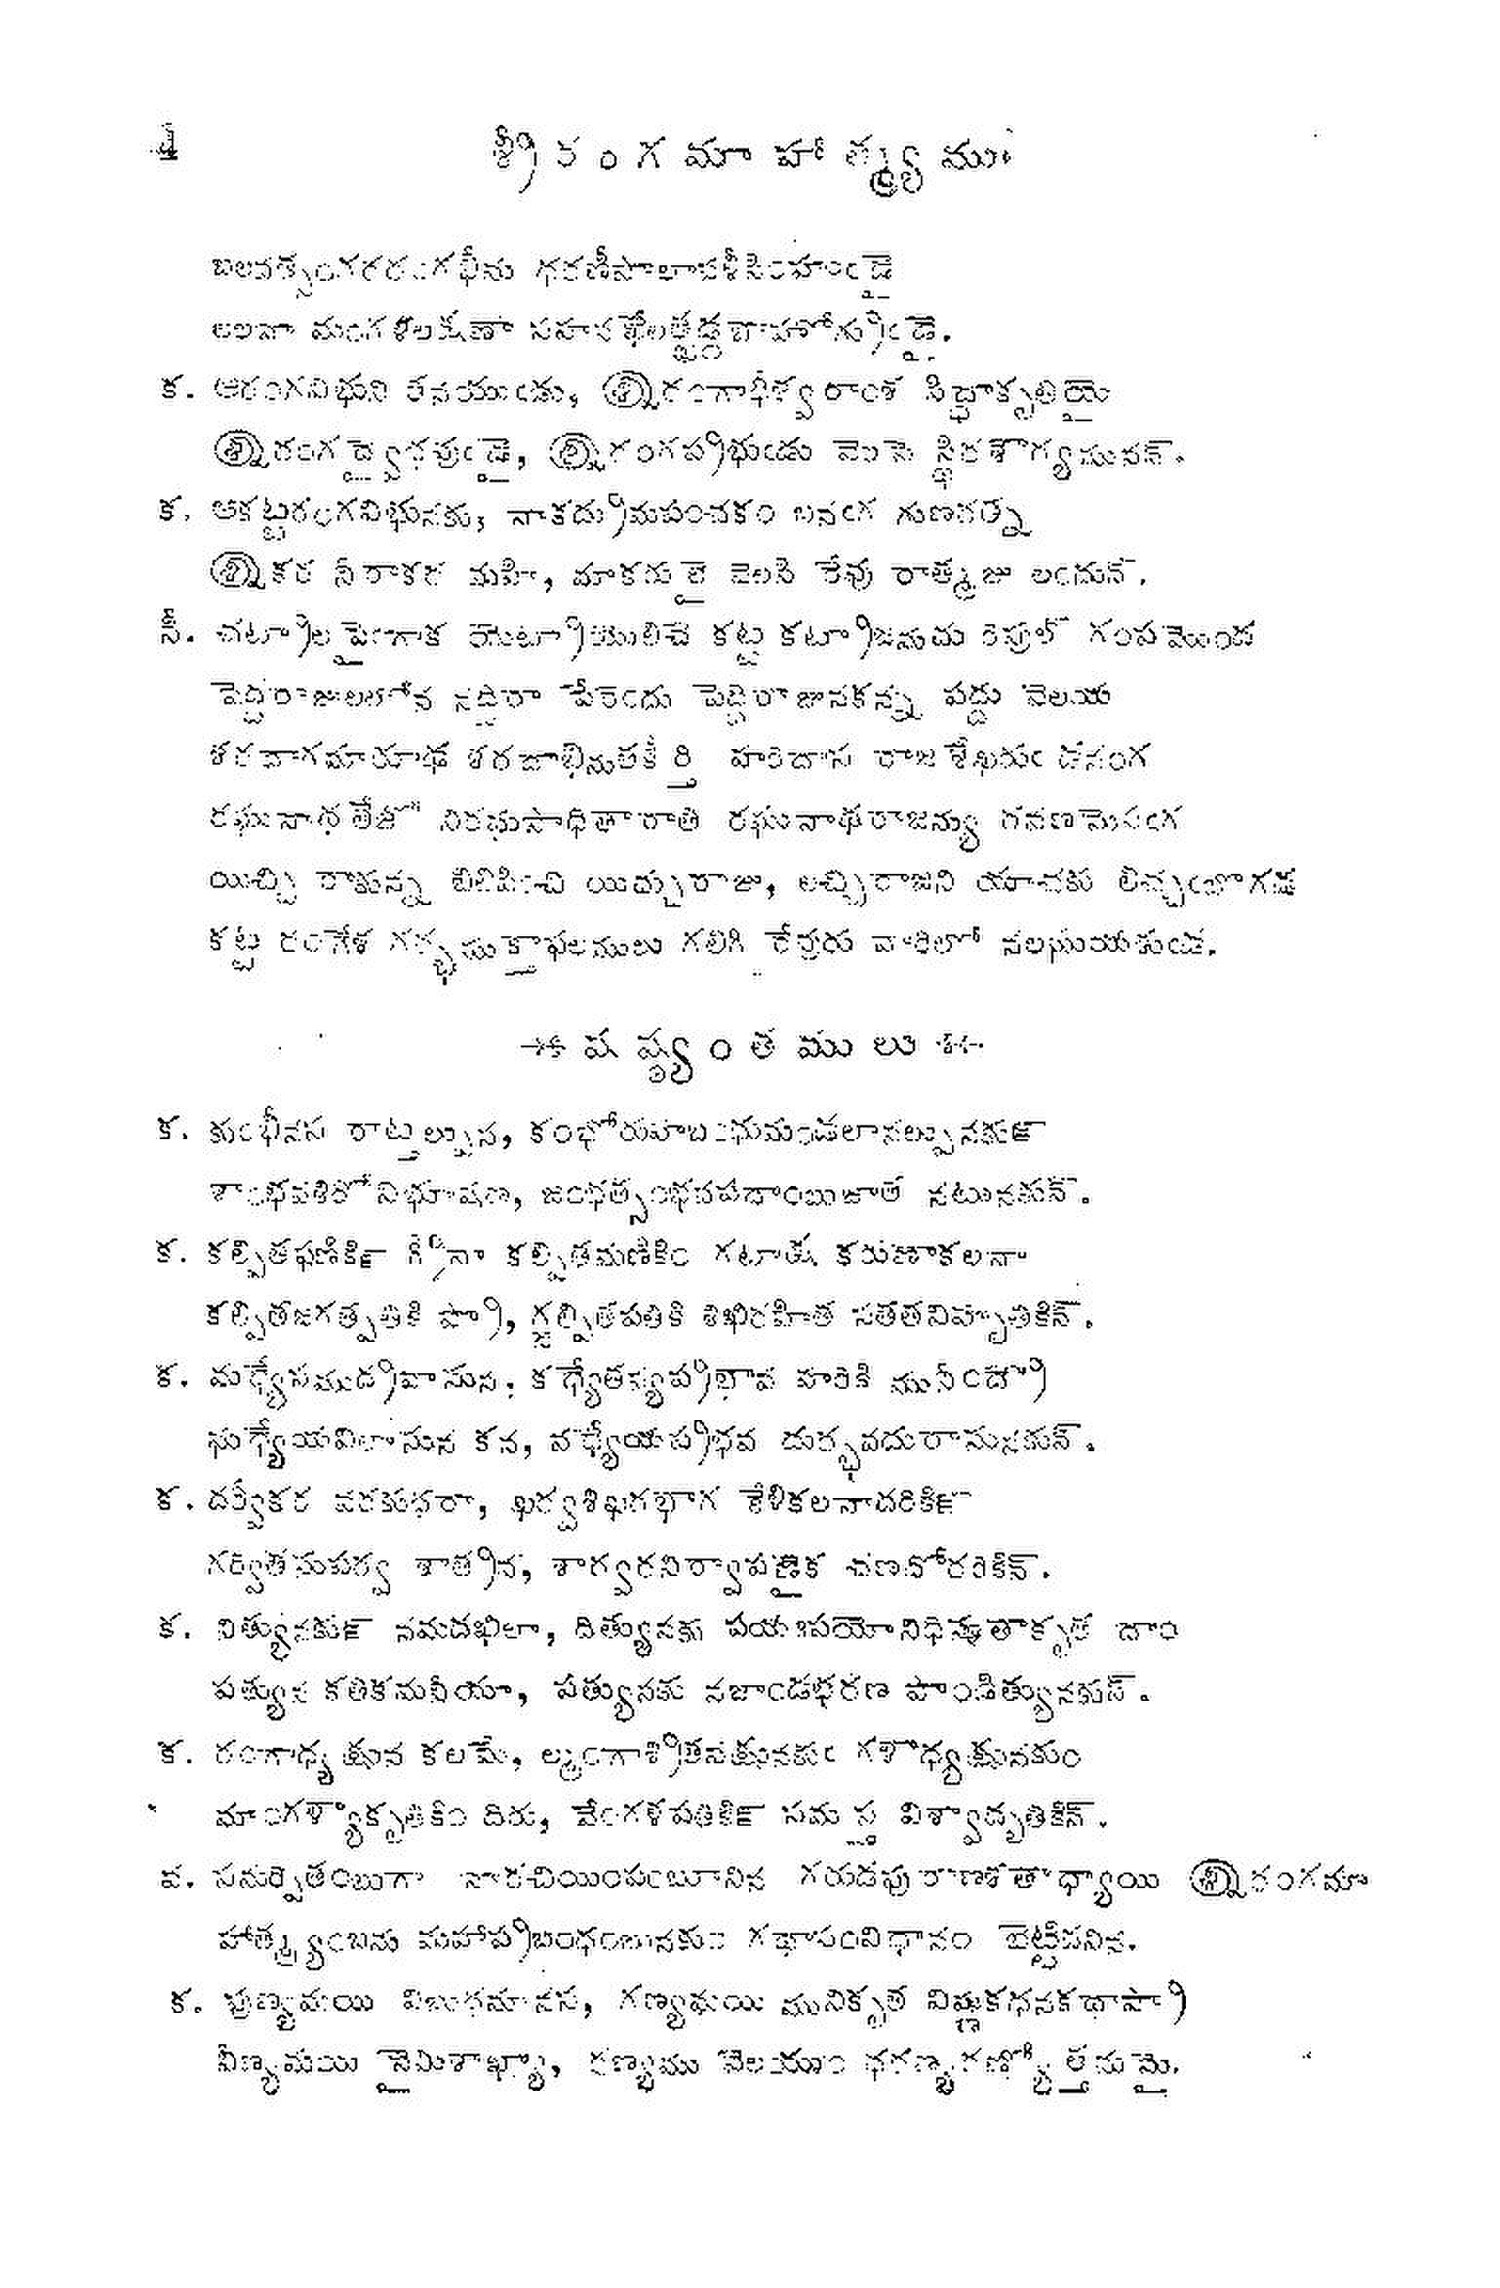బలవత్సంగరరంగభీమ ధరణీపాలావళీసింహుఁడై
 లలనామంగళలక్షణా సహనఖేలత్ఖడ్గబాహోగ్రుఁడై.

క. ఆరంగవిభుని తనయుఁడు, శ్రీరంగాధీశ్వరాంశ సిద్ధాకృతియై
 శ్రీరంగద్వైభవుండై, శ్రీరంగప్రభుఁడు వెలసె స్థిరశౌర్యమునన్.

క. ఆకట్టరంగవిభునకు, నాకద్రుమపంచకం బనఁగ గుణరత్న
 శ్రీకర నీరాకర మహి, మాకరులై వెలసి రేవు రాత్మజు లందున్.

సీ. చట్రాలపైఁగాక యెట్రాయొలిచె కట్ట కట్రాజనుచు రిపుల్ గంపమొంద
 పెద్దరాజులలోన నెద్దిరా పేరెందు పెద్దిరాజునకన్న పద్దు వెలయ
 శరదాగమారూఢ శరదాభినుతకీర్తి హరిదాస రాజశేఖరుఁ డనంగ
 రఘునాథతేజో నిరఘసాధితారాతి రఘునాథరాజన్యు రవణమెసఁగ
 యిచ్చి రాకున్న బిలిపించి యిచ్చురాజు, లచ్చిరాజుని యాచకు లిచ్చఁబొగడ
 కట్టరంగేశ గర్భముక్తాఫలములు గలిగి రేవురు వారిలో నలఘుయశుఁడ.

క. కుంభీనస రాట్తల్పుస, కంభోరుహబంధుమండలానల్పునకున్
 శాంభవశిరోవిభూషణ, జంభత్సంభవపదాంబుజాత నటునకున్.

క. కల్పితఫణికిన్ గ్రీనా, కల్పికమణికిం గటాక్ష కరుణాకలనా
 కల్పితజగత్పతికి ప్రా, గ్జల్పితపతికి శిఖిరహిత సతతనిహృతికిన్.

క. మధ్యేసముద్రావాసున, కధ్యేతవ్యప్రభావ హరికి మునీంద్రౌ
 ఘధ్యేయవిలాసున కన, నధ్యేయప్రభవ దుర్భవదురాసునకున్.

క. దర్వీకర వరకుధరా, ఖర్వశిఖరభాగ కేళికలనాదరికిన్
 గర్వితసుపర్వ శాత్రవ, శార్వరనిర్వాపణైక చణదోరరికిన్.

క. నిత్యునకున్ నమదఖిలా, దిత్యునకు పయఃపయోనిధిసుతాకృత దాం
 పత్యున కతికమనీయా, పత్యునకు నజాండభరణపాండిత్యునకున్.

క. రంగాధ్యక్షున కలమే, ల్మంగాశ్రితవక్షునకుఁ గళాధ్యక్షునకుం
 మాంగళ్యాకృతికిం దిరు, వేంగళపతికిన్ సమస్త విశ్వాద్బతికిన్.

వ. సమర్పితంబుగా నారచియింపంబూనిన గరుడపురాణశతాధ్యాయి శ్రీరంగమా
 హాత్మ్యంబను మహాప్రబంధంబునకుం గథాసంవిధానం బెట్టిననిన.

క. పుణ్యమయి విబుధమానస, గణ్యమయి మునికృత విష్ణుకథనకథాప్రా
 వీణ్యమయి నైమిశాఖ్యా, రణ్యము వెలయుం ధరణ్యరణ్యోత్తమమై.